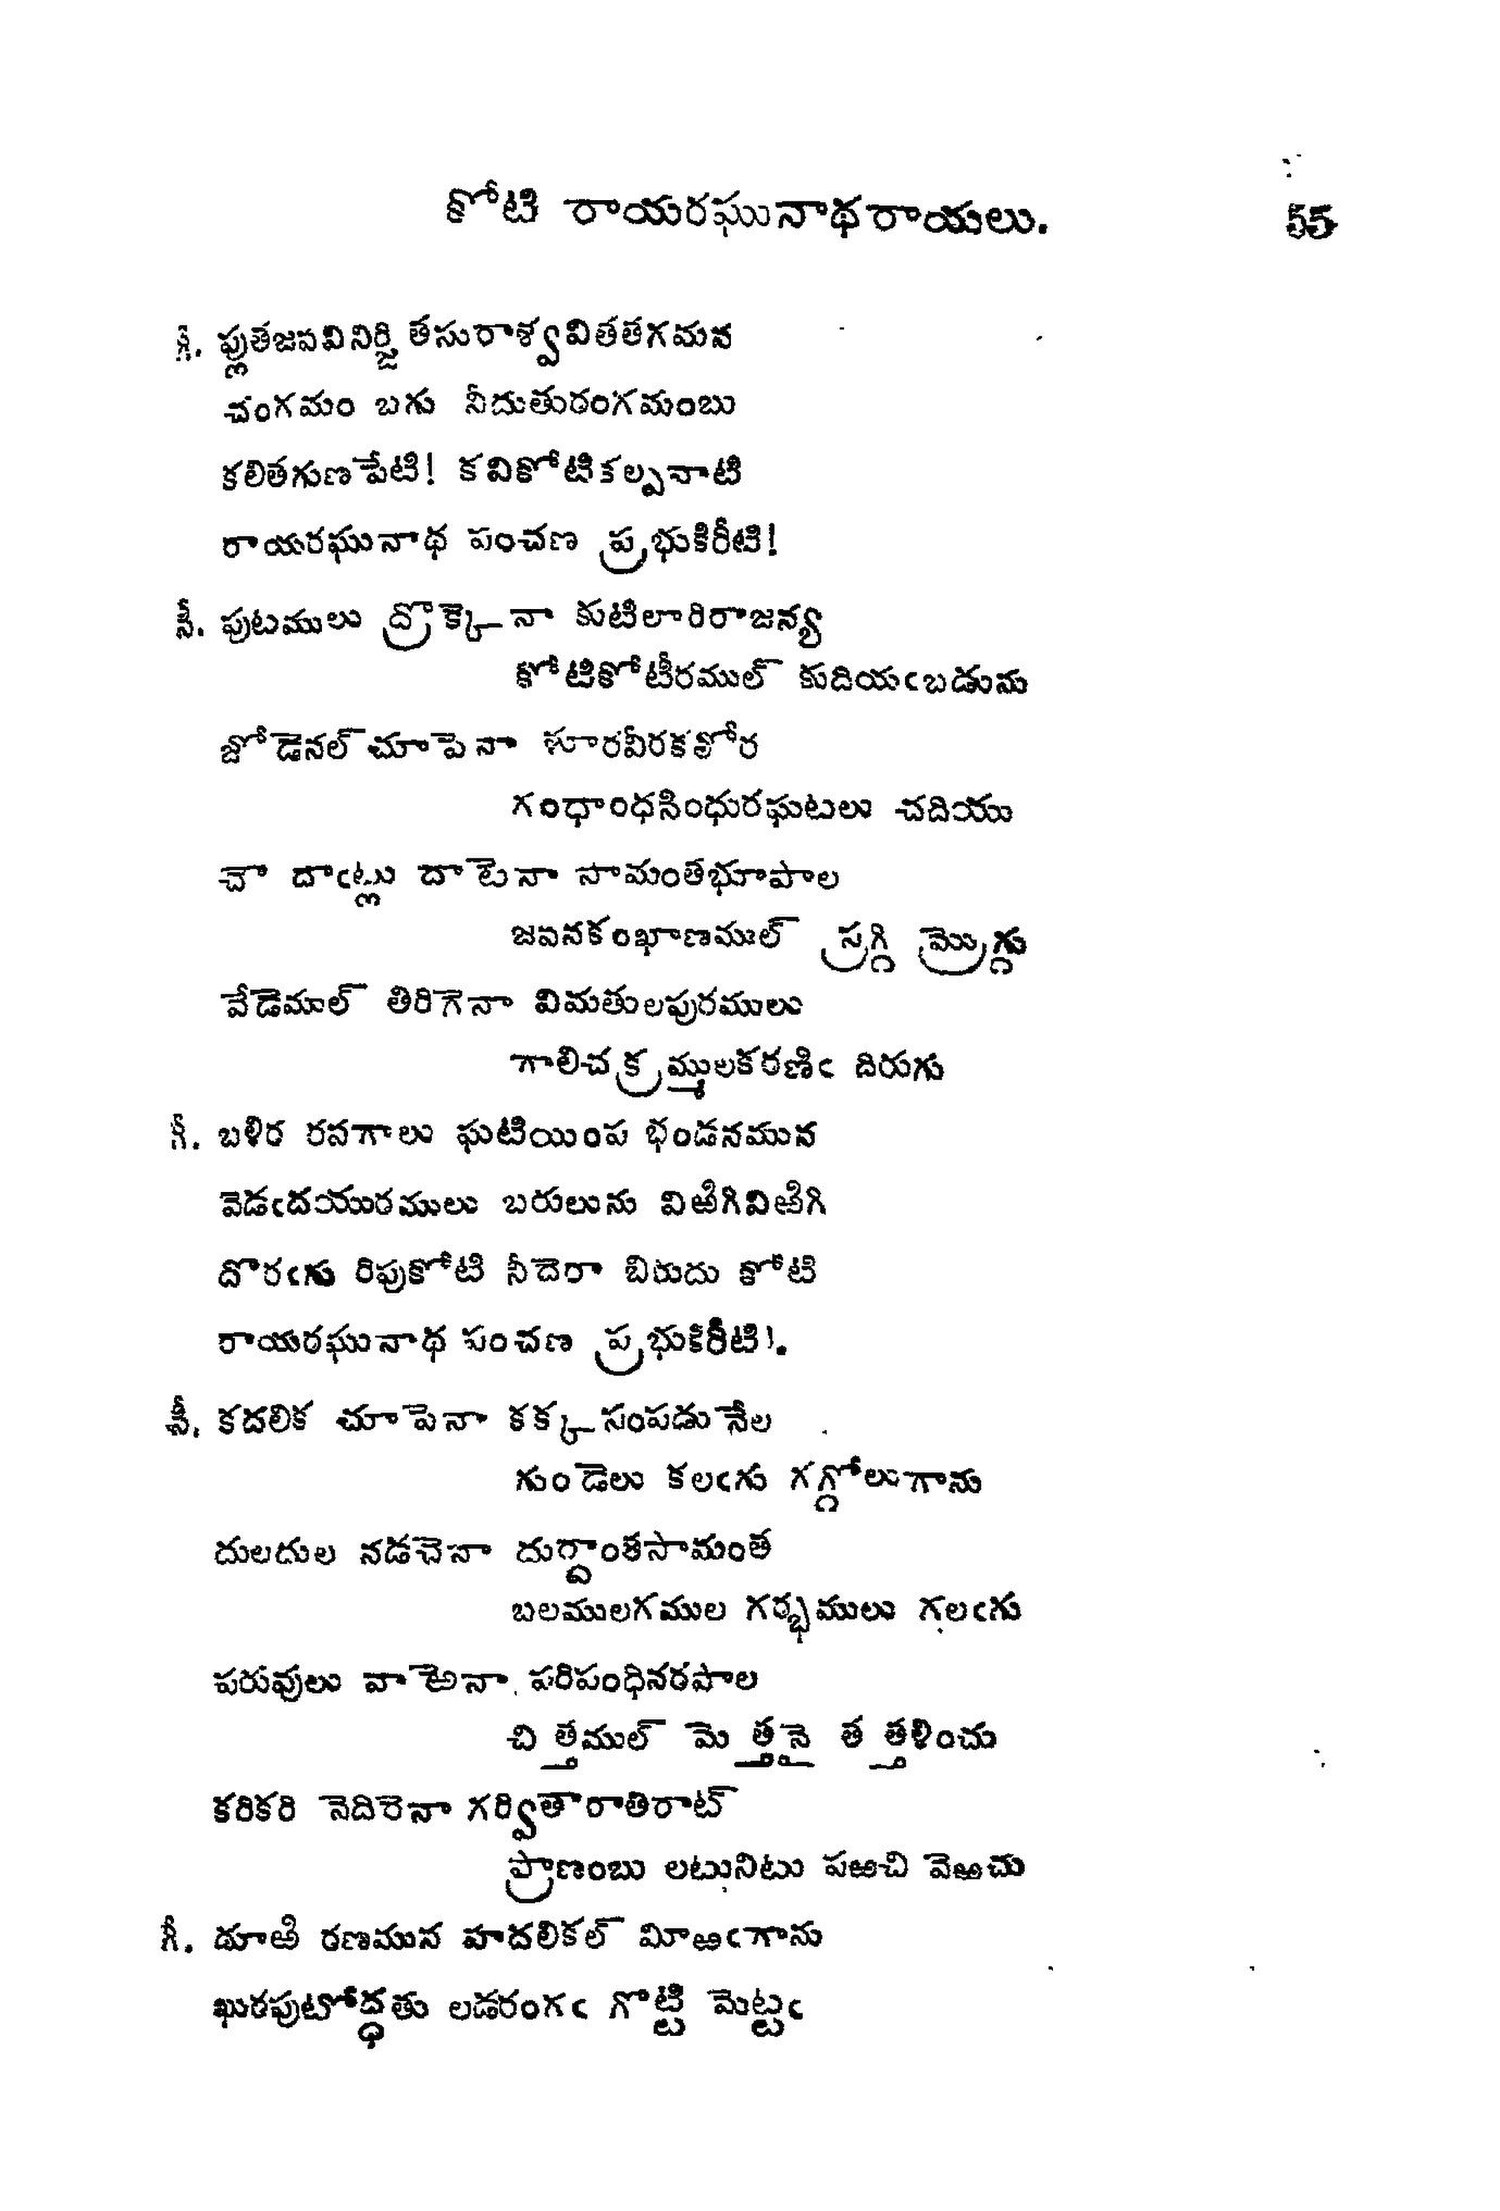గీ. ప్లుతజవనినిర్జితసురాశ్వవితతగమన
 చంగమం బగు నీదుతురంగమంబు
 కలితగుణపేణి! కవికోటికల్పవాట
 రాయరఘునాథ పంచణ ప్రభుకిరీటి!
సీ. పుటములు ద్రొక్కెనా కుటిలారిరాజస్య
 కోటికోటీరముల్ కుదియఁబడును
 జోడెనల్ చూపెనా శూరవీరకఠోర
 గంధాంధసింధురఘటలు చదియు
 చౌ దాఁట్లు దాటెనా సామంతభూపాల
 జవనకంఖాణముల్ స్రగ్గి మ్రొగ్గు
 వేడెముల్ తిరిగెనా విమతులపురములు
 గాలిచక్రమ్ములకరణిఁ దిరుగు
గీ. బళిర రవగాలు ఘటియింప భండనమున
 వెడఁదయురములు బరులును విఱిగి విఱిగి
 దొరఁగు రిపుకోటి నీదెరా బిరుదు కోటి
 రాయరఘునాథ పంచణ ప్రభుకిరీటి.
సీ. కదలిక చూపెనా కక్కసంపడు నేల
 గుండెలు కలఁగు గగ్గోలుగాను
 దులదుల నడచెనా దుర్దాంతసామంత
 బలములగమముల గర్భములు గలఁగు
 పరువులు వాఱెనా పరిపంథినరపాల
 చిత్తముల్ మెత్తనై తత్తళించు
 కరికరి నెదిరెనా గర్వితారాతిరాట్
 ప్రాణంబు లటునిటు పఱచి వెఱచి
గీ. దూఱి రణమున హదలికల్ మీఱఁగాను
 ఖురపుటోద్ధతు లడరంగఁ గొట్టి మెట్టఁ